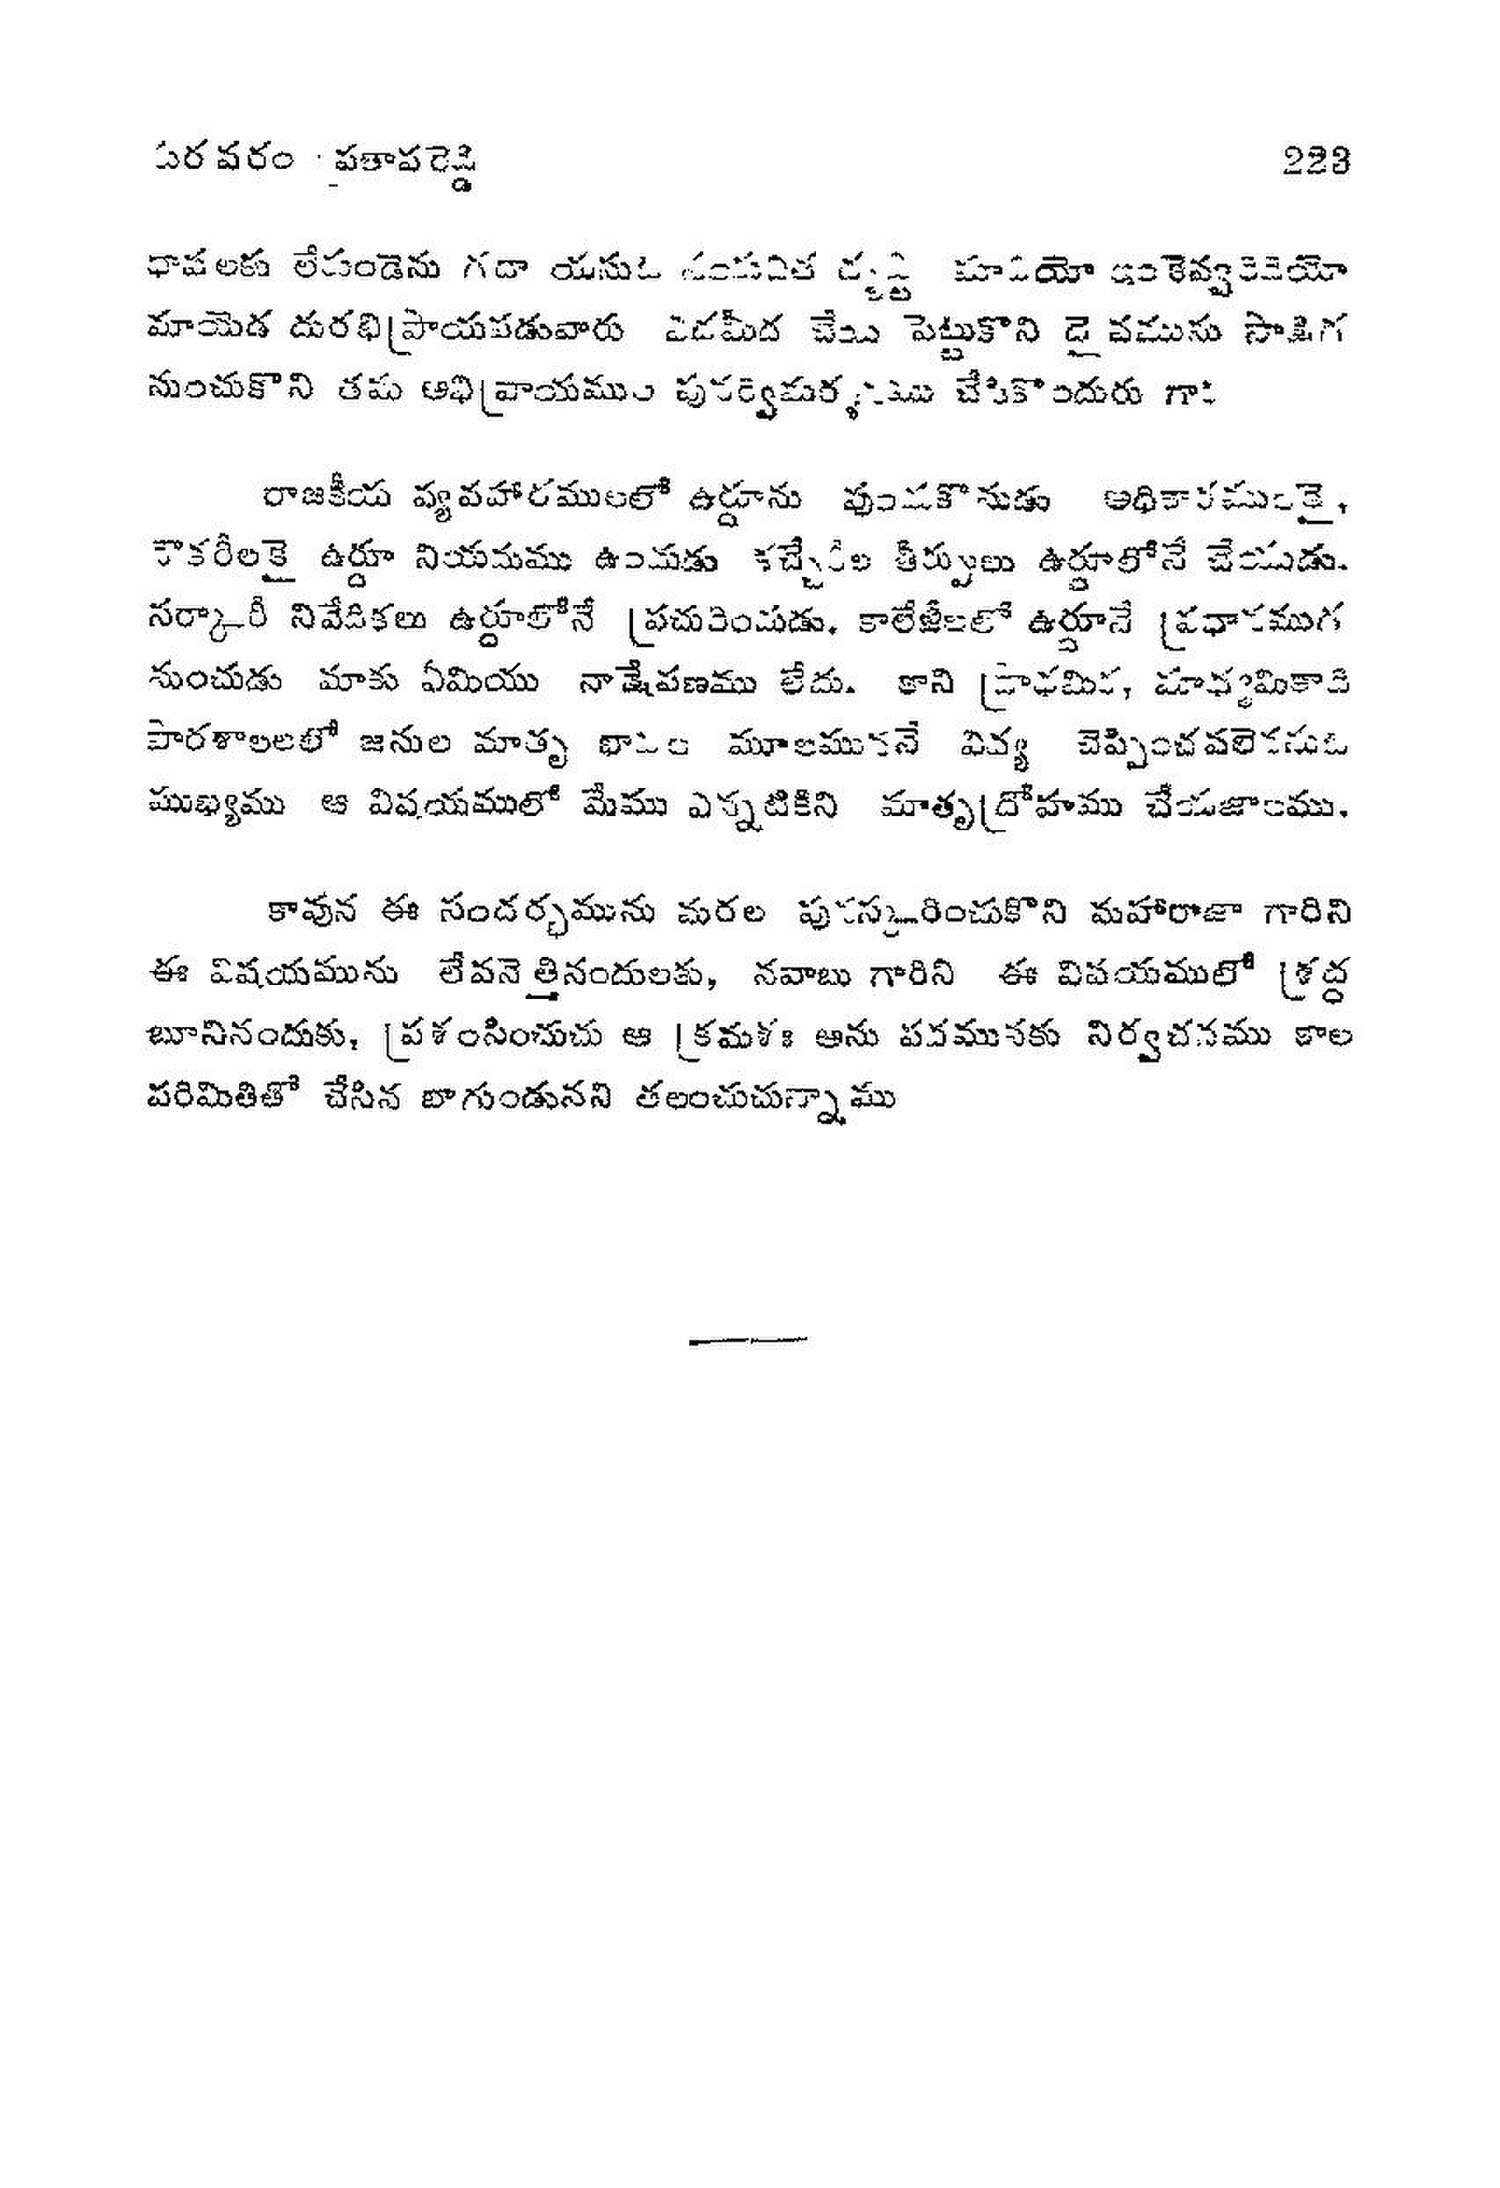భాషలకు లేకుండెను గదా యనుట సంకుచిత దృష్టి మాదియో ఇంకెవ్వరిదియో మాయెడ దురభిప్రాయపడువారు ఎదమీద చేయి పెట్టుకొని దైవమును సాక్షిగ నుంచుకొని తమ అభివ్రాయముల పునర్విమర్శనము చేసికొందురు గాక

రాజకీయ వ్యవహారములలో ఉర్దూను వుంచుకొనుడు అధికారములకై, నౌకరీలకై ఉర్దూ నియమము ఉంచుడు కచ్చేరీల తీర్పులు ఉర్దూలోనే చేయుడు. సర్కారీ నివేదికలు ఉర్దూలోనే ప్రచురించుడు. కాలేజీలలో ఉర్దూనే ప్రధానముగ నుంచుడు మాకు ఏమియు నాక్షేపణము లేదు. కాని ప్రాధమిక, మాధ్యమికాది పాఠశాలలలో జనుల మాతృ భాషల మూలముననే విద్య చెప్పించవలెననుట ముఖ్యము ఆ విషయములో మేము ఎన్నటికిని మాతృద్రోహము చేయజాలము.

కావున ఈ సందర్భమును మరల పురస్కరించుకొని మహారాజా గారిని ఈ విషయమును లేవనెత్తినందులకు, నవాబు గారిని ఈ విషయములో శ్రద్ధ బూనినందుకు, ప్రశంసించుచు ఆ క్రమశః అను పదమునకు నిర్వచనము కాల
పరిమితితో చేసిన బాగుండునని తలంచుచున్నాము